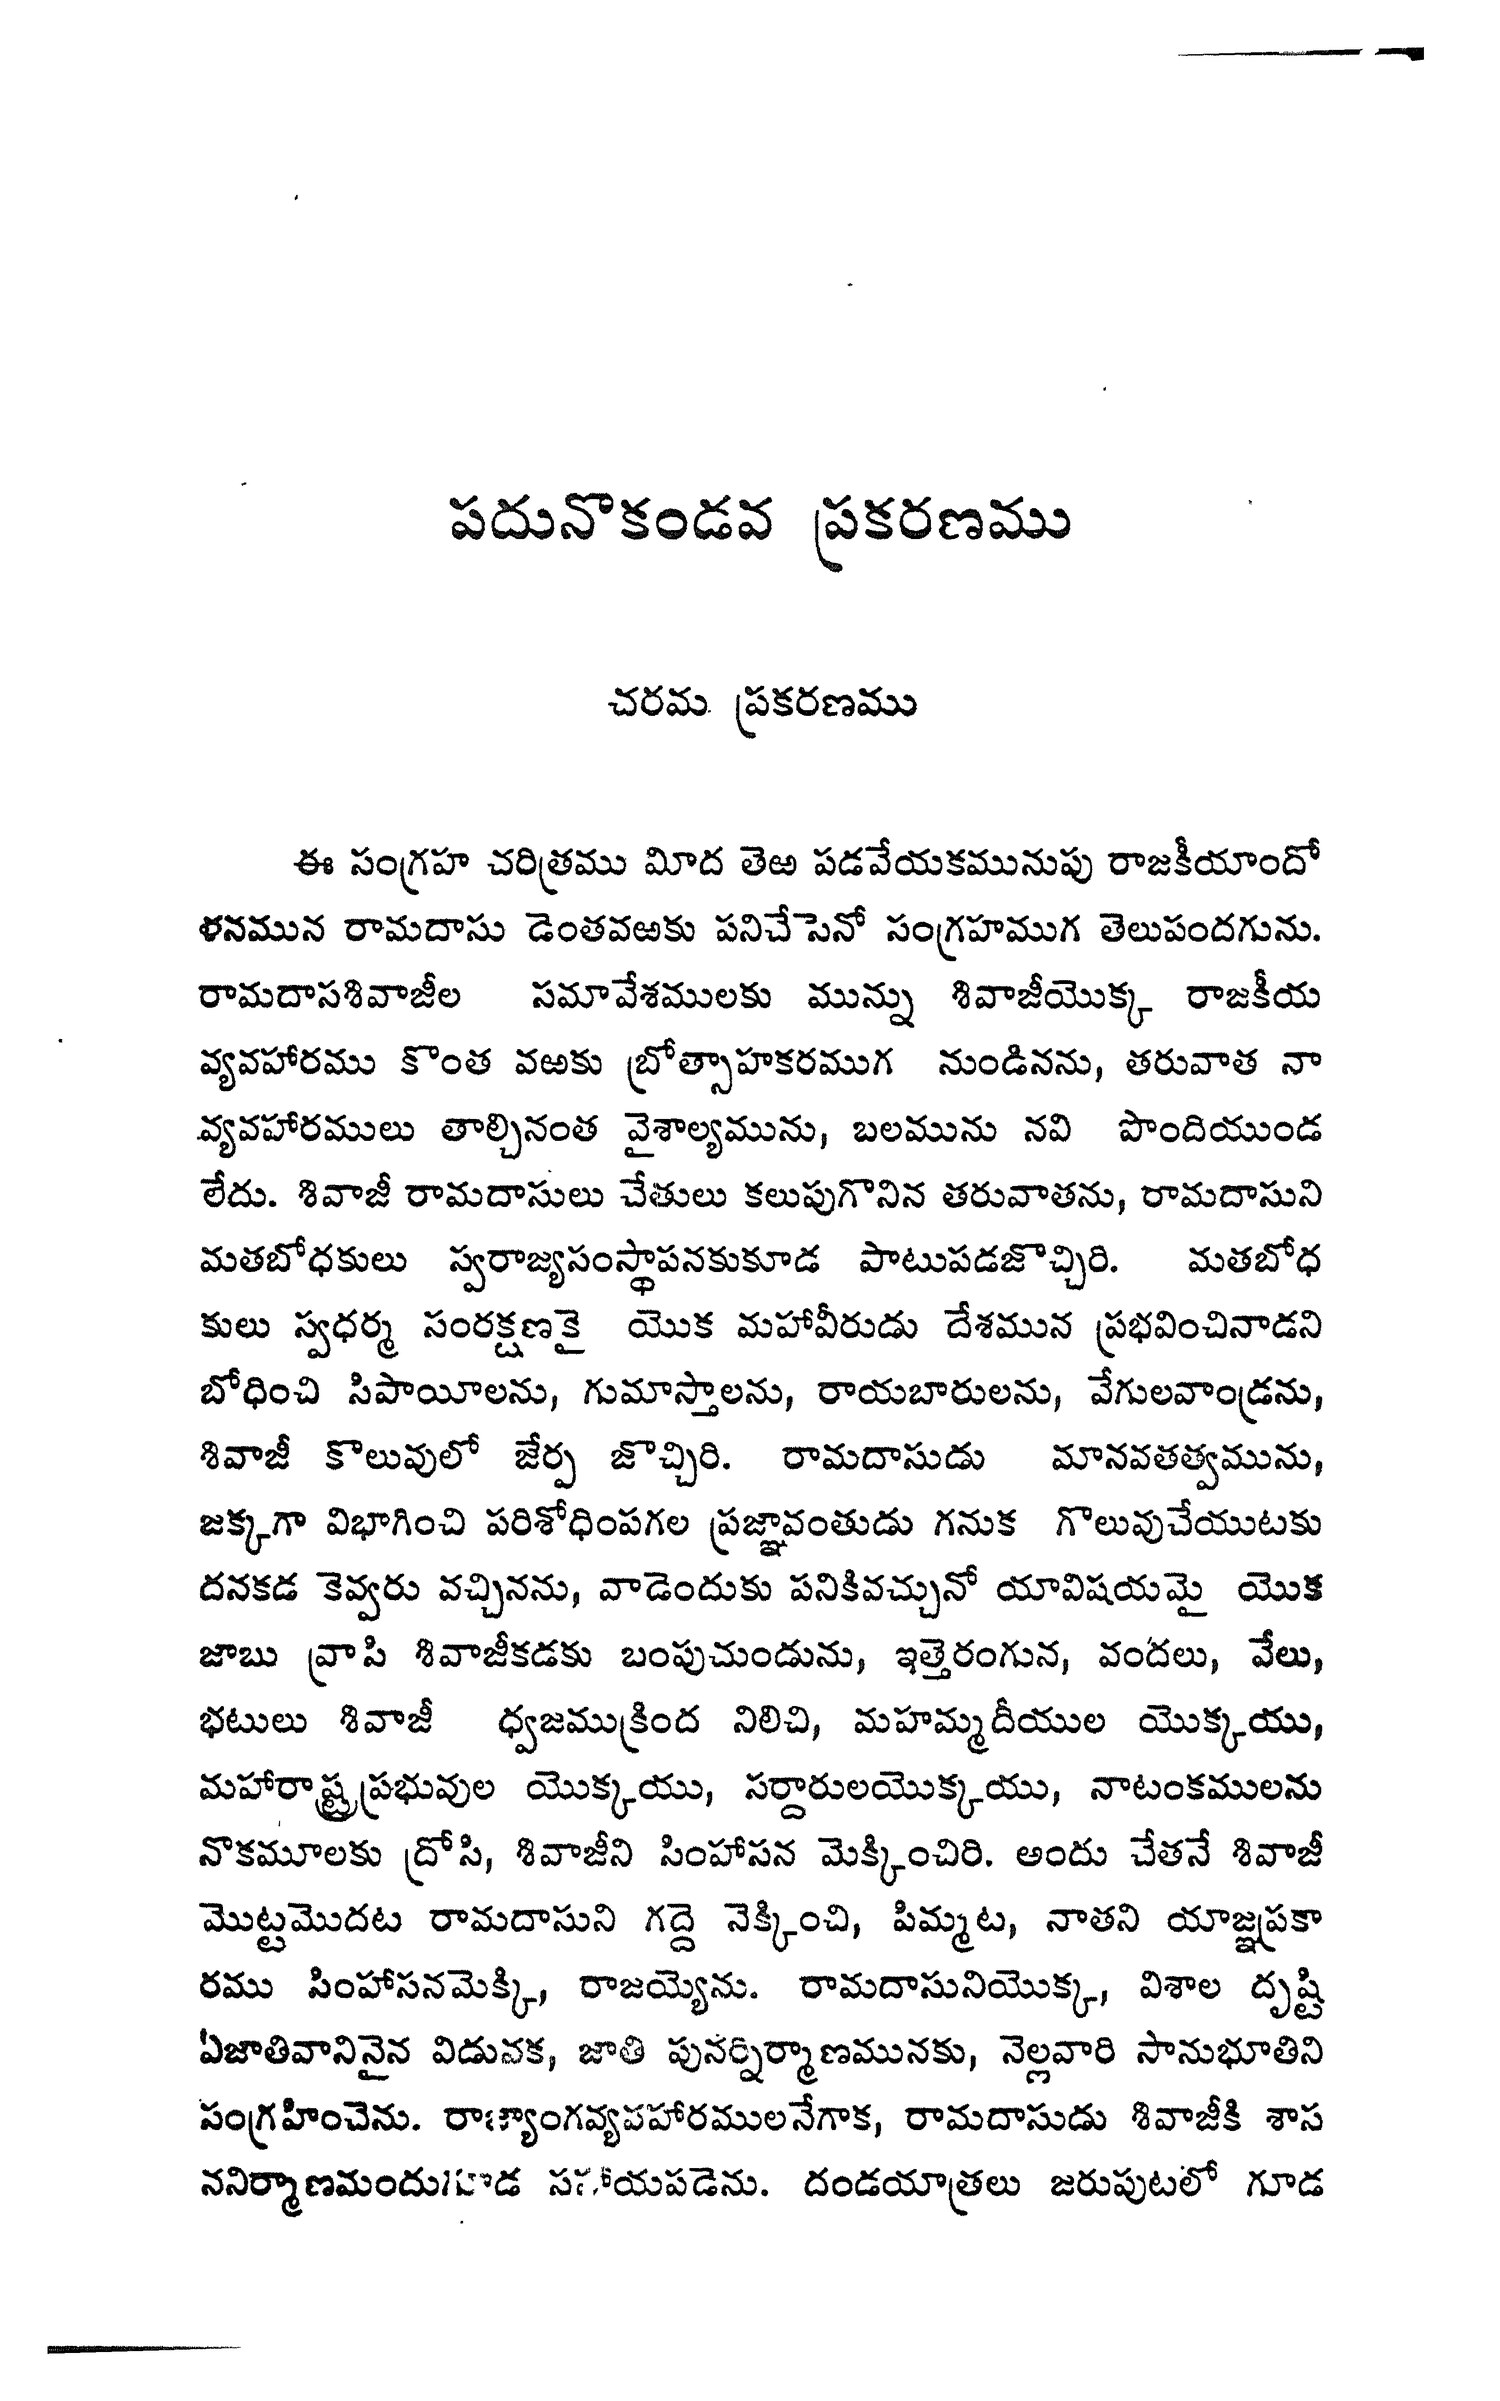ఈ సంగ్రహ చరిత్రము మీద తెఱ పడవేయకమునుపు రాజకీయాందోళనమున రామదాసు డెంతవఱకు పనిచేసెనో సంగ్రహముగ తెలుపందగును. రామదాసశివాజీల సమావేశములకు మున్ను శివాజీయొక్క రాజకీయ వ్యవహారము కొంత వఱకు బ్రోత్సాహకరముగ నుండినను, తరువాత నా వ్యవహారములు తాల్చినంత వైశాల్యమును, బలమును నవి పొందియుండ లేదు. శివాజీ రామదాసులు చేతులు కలుపుగొనిన తరువాతను, రామదాసుని మతబోధకులు స్వరాజ్యసంస్థాపనకుకూడ పాటుపడజొచ్చిరి. మతబోధకులు స్వధర్మ సంరక్షణకై యొక మహావీరుడు దేశమున ప్రభవించినాడని బోధించి సిపాయీలను, గుమస్తాలను, రాయబారులను, వేగులవాండ్రను, శివాజీ కొలువులో జేర్ప జొచ్చిరి. రామదాసుడు మానవతత్వమును, జక్కగా విభాగించి పరిశోధింపగల ప్రజ్ఞావంతుడు గనుక గొలువుచేయుటకు దనకడ కెవ్వరు వచ్చినను, వాడెందుకు పనికివచ్చునో యావిషయమై యొక జాబు వ్రాసి శివాజీకడకు బంపుచుండును, ఇత్తెరంగున, వందలు, వేలు భటులు శివాజీ ధ్వజముక్రింద నిలిచి, మహమ్మదీయుల యొక్కయు, మహారాష్ట్రప్రభువుల యొక్కయు, సర్దారులయొక్కయు, నాటంకములను నొకమూలకు ద్రోసి, శివాజీని సింహాసన మెక్కించిరి. అందు చేతనే శివాజీ మొట్టమొదట రామదాసుని గద్దె నెక్కించి, పిమ్మట, నాతని యాజ్ఞప్రకారము సింహాసనమెక్కి, రాజయ్యెను. రామదాసునియొక్క, విశాల దృష్టి ఏజాతివానినైన విడువక, జాతి పునర్నిర్మాణమునకు, నెల్లవారి సానుభూతిని సంగ్రహించెను. రాజ్యాంగవ్యవహారములనేగాక, రామదాసుడు శివాజీకి శాసననిర్మాణమందుగూడ సహాయపడెను. దండయాత్రలు జరుపుటలో గూడ